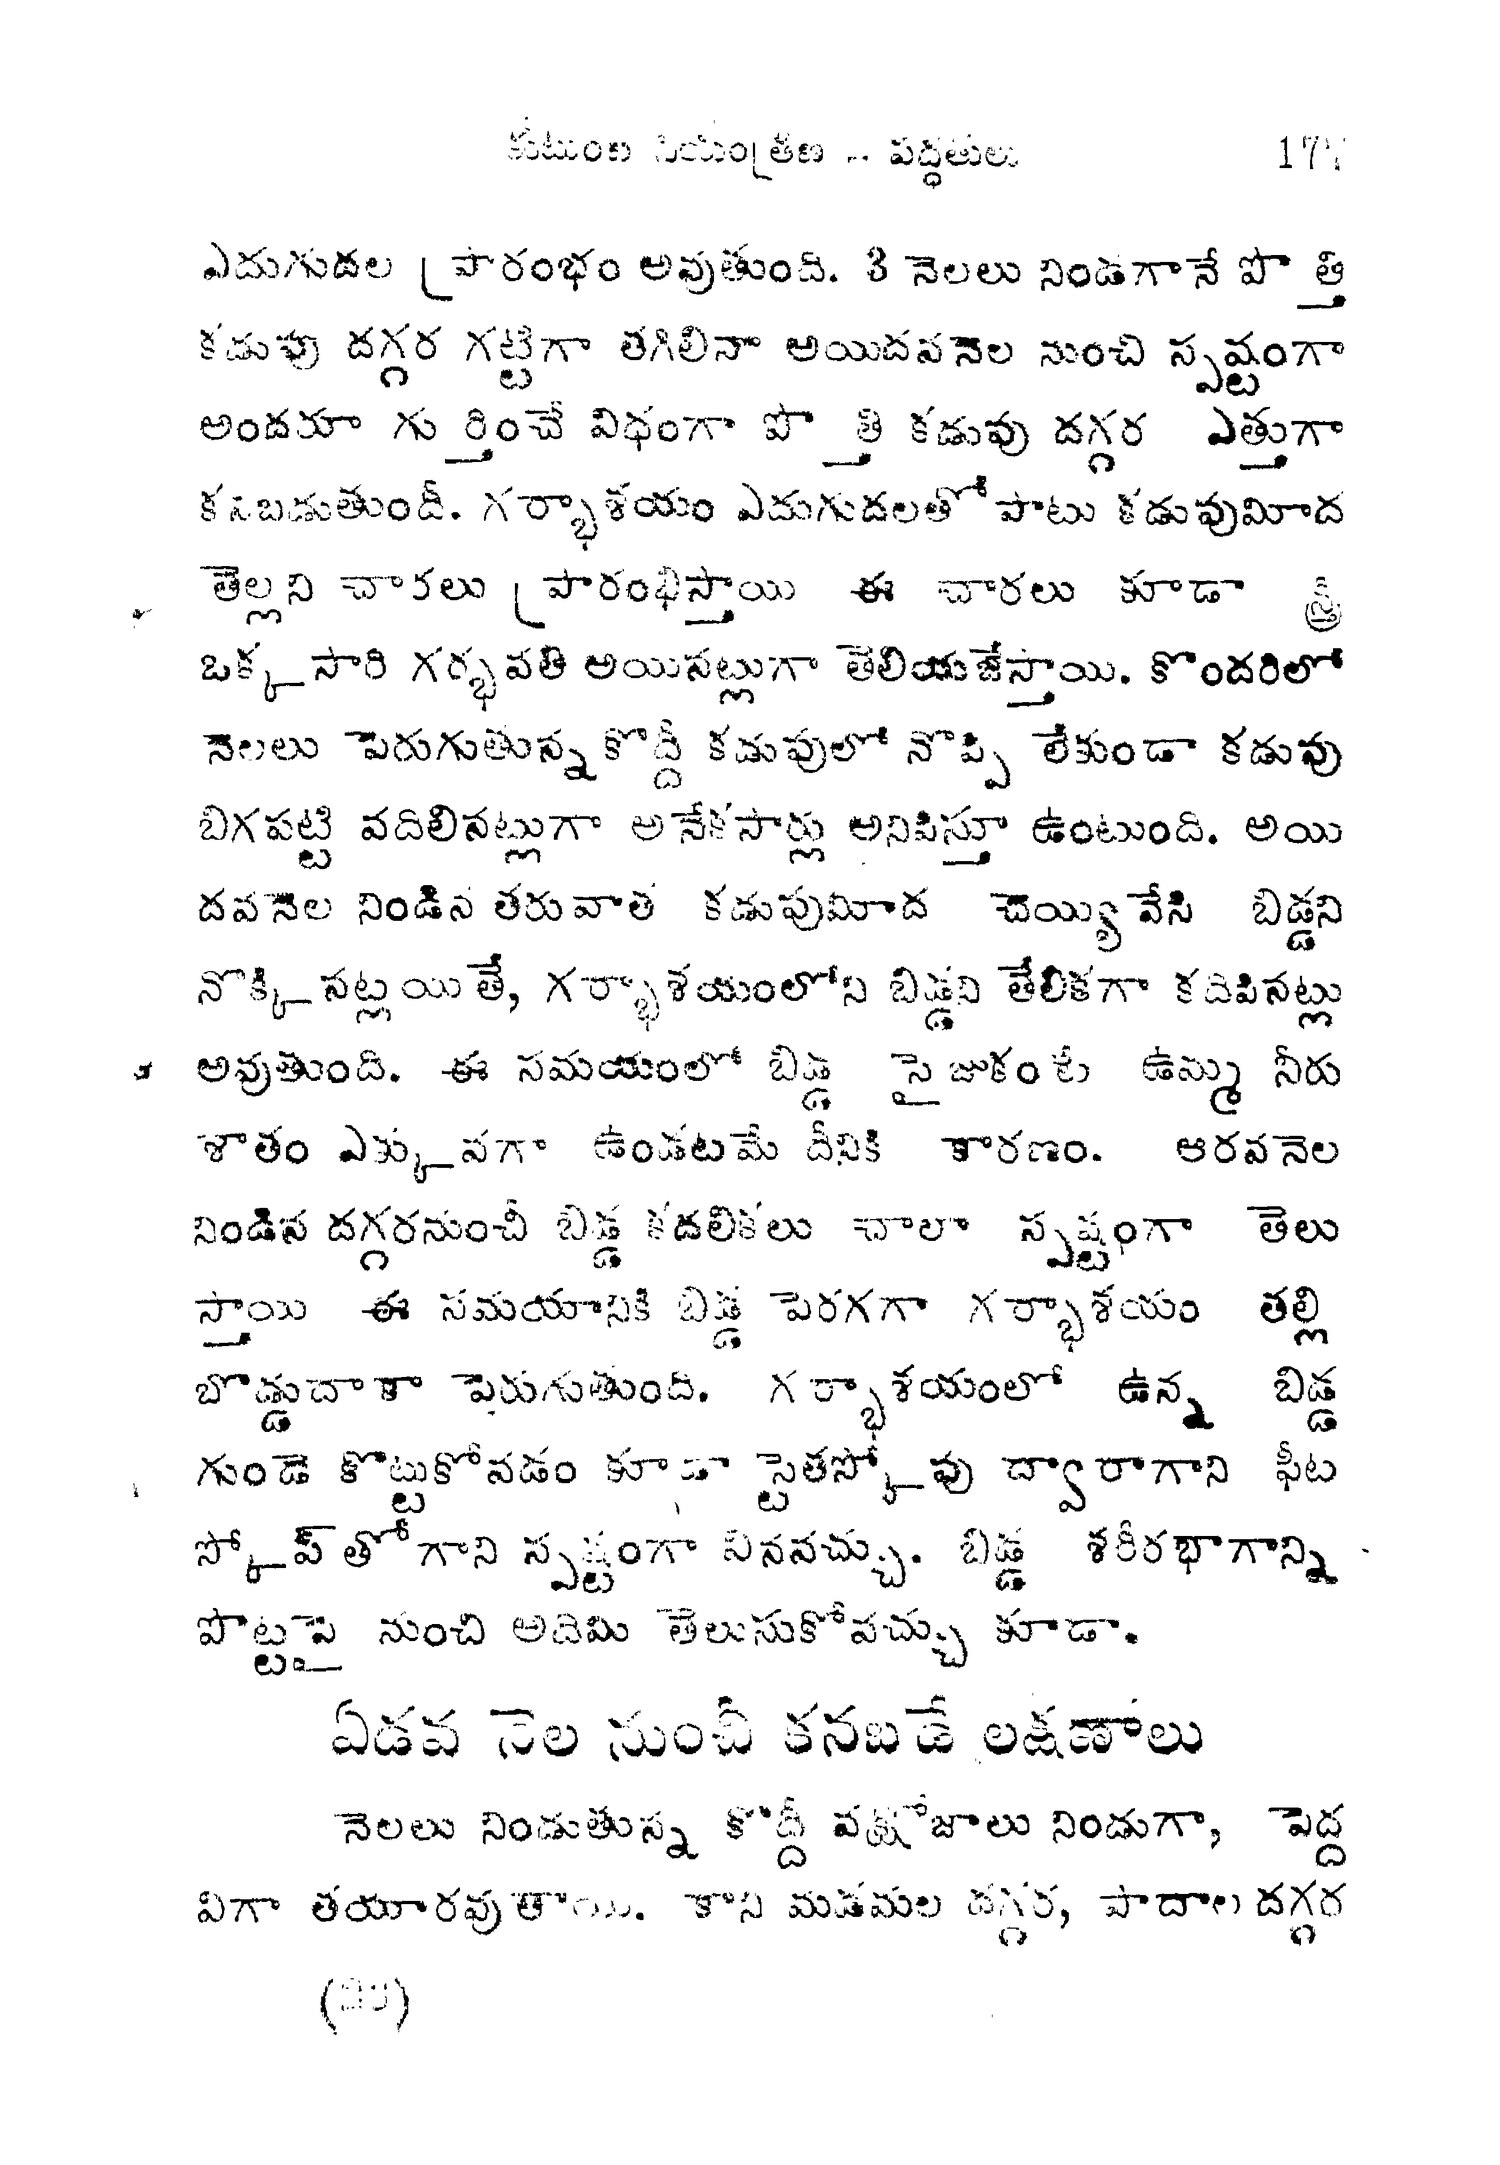ఎదుగుదల ప్రారంభం అవుతుంది. 3 నెలలు నిండగానే పొత్తికడుపు దగ్గర గట్టిగా తగిలినా అయిదవనెల నుంచి స్పష్టంగా అందరూ గుర్చించే విధంగా పొత్తి కడుపు దగ్గర ఎత్తుగా కనబడుతుందీ. గర్భాశయం ఎదుగుదలతో పాటు కడుపుమీద తెల్లని చారలు ప్రారంభిస్తాయి. ఈ చారలు కూడా స్త్రీ ఒక్కసారి గర్భవతి అయినట్లుగా తెలియజేస్తాయి. కొందరిలో నెలలు పెరుగుతున్నకొద్దీ కడుపులో నొప్పి లేకుండా కడుపు బిగబట్టి వదిలినట్లుగా అనేకసార్లు అనిపిస్తూ ఉంటుంది. అయిదవనెల నిండిన తరువాత కడుపుమీద చెయ్యివేసి బిడ్డని నొక్కినట్లయితే, గర్భాశయంలోని బిడ్డని తేలికగా కదిపినట్లు అవుతుంది. ఈ సమయంలో బిడ్డ సైజుకంటే ఉమ్మ నీరు శాతం ఎక్కువగా ఉండటమే దీనికి కారణం. ఆరవనెల నిండిన దగ్గరనుంచీ బిడ్డ కదలికలు చాలా స్పష్టంగా తెలుస్తాయి. ఈ సమయానికి బిడ్డ పెరగగా గర్భాశయం తల్లి బొడ్డుదాకా పెరుగుతుంది. గర్భాశయంలో ఉన్న బిడ్ద గుండె కొట్టుకోవడం కూడా స్టెతస్కోపు ద్వారాగాని ఫీటస్కోప్‌తో గాని స్పష్టంగా వినవచ్చు. బిడ్డ శరీరభాగాన్ని పొట్టపై నుంచి అదిమి తెలుసుకోవచ్చు కూడా.

నెలలు నిండుతున్న కొద్దీ వక్షోజాలు నిండుగా, పెద్దవిగా తయారవుతాయి. కాని మడమల దగ్గర, పాదాల దగ్గర